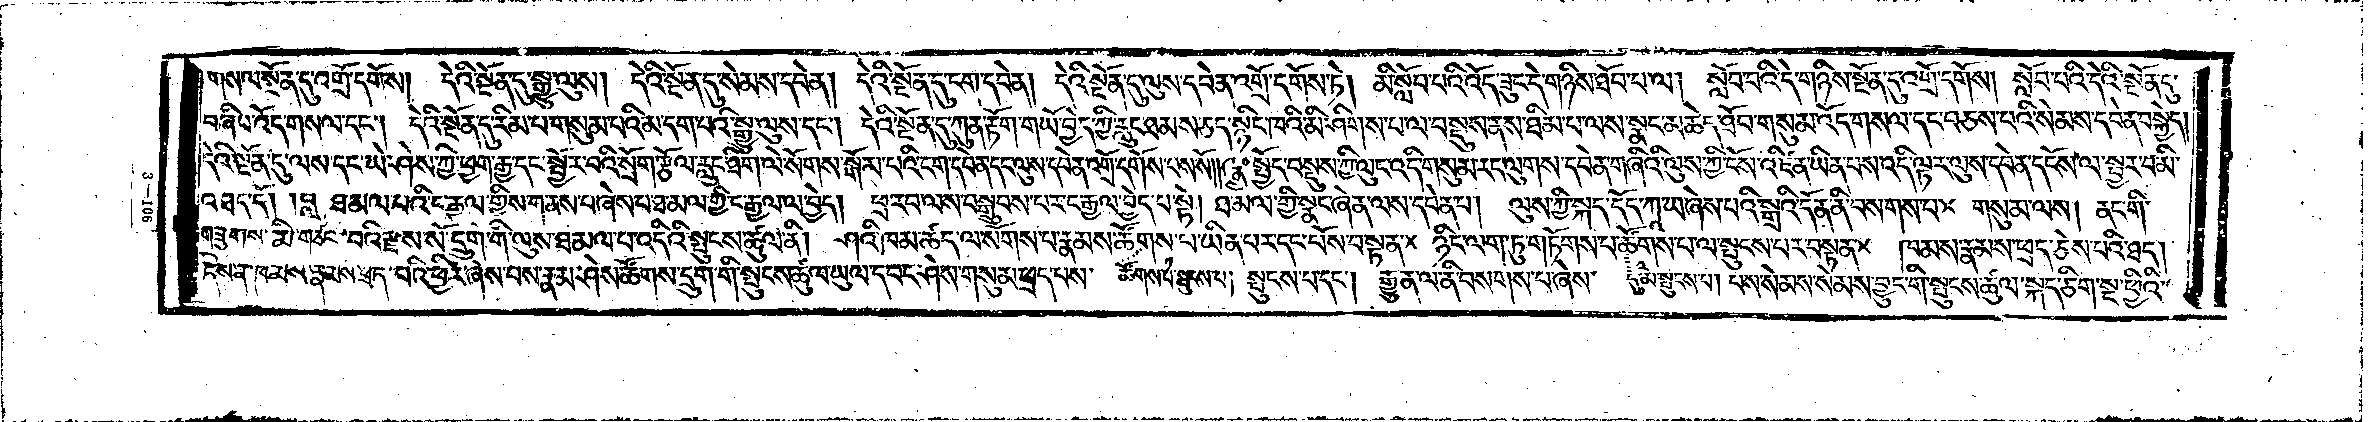གསལ་སྔོན་དུ་འགྲོ་དགོས། དེའི་སྔོན་དུ་སྒྱུ་ལུས། དེའི་སྔོན་དུ་སེམས་དབེན། དེའི་སྔོན་དུ་ངག་དབེན། དེའི་སྔོན་དུ་ལུས་དབེན་འགྲོ་དགོས་ཏེ། མི་སློབ་པའི་འོད་ཟུང་དེ་གཉིས་ཐོབ་པ་ལ། སློབ་པའི་དེ་གཉིས་སྔོན་དུ་འགྲོ་དགོས། སློབ་པའི་དེའི་སྔོན་དུ་
བཞི་བ་འོད་གསལ་དང་། དེའི་སྔོན་དུ་རིམ་པ་གསུམ་པའི་མ་དག་པའི་སྒྱུ་ལུས་དང་། དེའི་སྔོན་དུ་ཀུན་རྟོག་གཡོ་བྱེད་ཀྱི་རླུང་ཐམས་ཅད་སྙིང་ཁའི་མི་ཤིགས་པ་ལ་བསྡུས་ནས་ཐིམ་པ་ལས་སྣང་མཆེད་ཐོབ་གསུམ་འོད་གསལ་དང་བཅས་པའི་སེམས་དབེན་བསྐྱེད།
དེའི་སྔོན་དུ་ལས་དང་ཡེ་ཤེས་ཀྱི་ཕྱག་རྒྱ་དང་སྦྱོར་བའི་སྲོག་རྩོལ་རླུང་ཐིག་ལེ་སོགས་སྒོམ། པའི་ངག་དབེན་དང་ལུས་དབེན་འགྲོ་དགོས་པས་སོ། །༩༠་སྤྱོད་བསྡུས་ཀྱི་ལུང་འདི་གསུམ་རང་ལུགས་དབེན་གཞིའི་ལུས་ཀྱི་ངོས་འཛིན་ཡིན་པས་འདི་ལྟར་ལུས་དབེན་དངོས་ལ་སྦྱར་བ་མི་
འཐད་དོ། །བླ་ཐ་མལ་པའི་ང་རྒྱལ་གྱིས་གནས་པ་ཞེས་པ་ཐ་མལ་གྱི་ང་རྒྱལ་ལ་བྱེད། ཕྲ་རབ་ལས་བསྒྲུབས་པར་ང་རྒྱལ་བྱེད་པ་སྟེ། ཐ་མལ་གྱི་སྣང་ཞེན་ལས་དབེན་པ་ལུས་ཀྱི་སྐད་དོད་ཀཱ་ཡ་ཞེས་པའི་སྒྲའི་དོན་ནི་བསགས་པ྾་གསུམ་ལས། ནང་གི་
གཟུགས་མི་གཙང་བའི་རྫས་སོ་དྲུག་གི་ལུས་ཐ་མལ་པ་འདིའི་སྤུངས་ཚུལ་ནི། ཤའི་ཁམ་ཚད་ལ་སོགས་པ་རྣམས་ཚོགས་པ་སྤུངས་པ།  པ་ཡིན་པར་དང་པོས་བསྟན྾་ཉིད་ལག་ཏུ་གཏོགས་པ་དུ་མ་སྤུངས་པ།  ཚོགས་པ་ལ་སྤངས་པར་བསྟན྾་ཁམས་རྣམས་ཕྲད་ཅེས་བའི་ཐད།
དེས་ན་ཁམས་རྣམས་ཟད་བའི་ཕྱིར་ཞེས་བས་རྣམ་ཤེས་ཚོགས་དྲུག་གི་སྤུངས་ཚུལ་ཡུལ་དབང་ཤེས་གསུམ་ཕྲད་པས་སྤུངས་པ་དང་། རྒྱུན་ལ་ནི་བསགས་པ་ཞེས་པས་སེམས་སེམས་བྱུང་གི་སྤུངས་ཚུལ་སྐད་ཅིག་སྔ་ཕྱིའི་